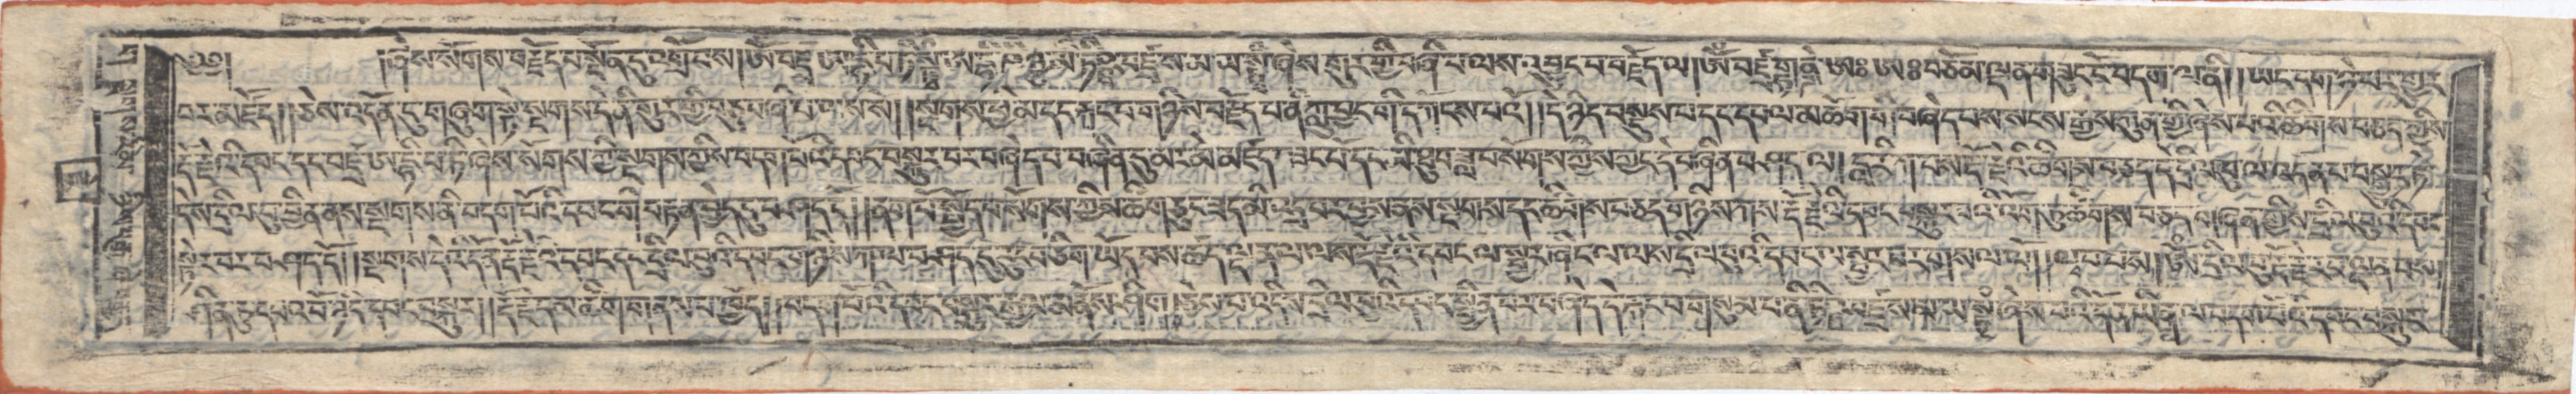༄༅། །ཞེས་སོགས་བརྗོད་པ་སྔོན་དུ་འགྲོ་བས། ཨོཾ་བཛྲ་ཨ་དྷི་པ་ཏི་སྟྭཾ་ཨ་དྷི་ཥིཉྩ་མི་ཏིཥཊཿཨ་བཛྲ་ས་མ་ཡ་སྟྭཾ་ཞེས་གུར་གྱི་བཞི་པ་ལས་འབྱུང་བ་བརྗོད་ལ། ཨོཾ་བཛྲ་གྷནྜེ་ཨཿ ཨཿ བཅོམ་ལྡན་གཟུང་ངོ་བདག་ལ་ནི། །ཡང་དག་ཉེ་བར་གྱུར་
བར་མཛོད། །ཅེས་འདོན་དུ་གཞུག་སྟེ་སྔགས་དེ་ནི་གུར་གྱི་བཅུ་བཞི་པ་ལས་སོ། །སྔགས་ཕྱི་མ་དང་རྐང་པ་གཉིས་བརྗོད་པ་ནི་ཀླུ་བྱང་གི་དགོངས་པའོ། །དེ་ཉིད་བསྡུས་པ་དང་དཔལ་མཆོག་གི་བཞེད་པས་སངས་རྒྱས་ཀུན་གྱི་ཞེས་པའི་ཚིགས་བཅད་ཀྱིས་
རྡོ་རྗེའི་དབང་དང་བཛྲ་ཨ་དྷི་པ་ཏི་ཞེས་སོགས་ཀྱི་སྔགས་ཀྱིས་བདག་པོའི་དབང་བསྐུར་བར་བཞེད་པ་བཞིན་དུ་མར་མེ་མཛད་བཟང་པོ་དང་མི་ཐུབ་ཟླ་བ་སོགས་ཀྱིས་ཀྱང་དེ་བཞིན་བཤད་ལ། དཱ་རི་ཀ་པས་རྡོ་རྗེའི་ཚིགས་བཅད་དེ་དྲིལ་བུ་ལ་འདོན་པ་བསྒྱུར་ཏེ་
དེས་དྲིལ་བུ་བྱིན་ནས་སྔགས་ནི་བདག་པོའི་དབང་གི་བརྟན་བྱེད་དུ་བཤད་དོ། །ནག་པོ་སྤྱོད་པ་སོགས་ཀྱིས་ཚིག་ཅུང་ཟད་མི་འདྲ་བར་བྱས་ནས་སྔགས་དང་ཚིགས་བཅད་གཉིས་ཀས་རྡོ་རྗེའི་དབང་བསྐུར་བའི་འོག་ཏུ་ཚིགས་བཅད་གཞན་གྱིས་དྲིལ་བུའི་དབང་
སྟེར་བར་བཤད་དོ། །སྔགས་དེའི་དོན་རྡོ་རྗེའི་དབང་དང་དྲིལ་བུའི་དབང་གཉིས་ཀ་ལ་བཤད་དུ་རུང་བ་ཅིག་ཡོད་པས་ཚད་ལྡན་ལ་ལས་རྡོ་རྗེའི་དབང་ལ་སྦྱར་ཞིང་ལ་ལས་དྲིལ་བུའི་དབང་ལ་སྦྱར་བར་གསལ་ལོ། །ལྭ་བ་པས། ཨོཾ་དྲིལ་བུ་རྡོ་རྗེ་རབ་ལྡན་པས།
ཤིན་ཏུ་དཔའ་བོ་ཉིད་དབང་བསྐུར། །རྡོ་རྗེ་དམ་ཚིག་གནས་པ་ཁྱོད། །བདག་པོའི་དབང་བསྐུར་རྒྱལ་མནོས་ཤིག །ཅེས་པ་འདིས་དྲིལ་བུའི་དབང་སྦྱིན་པར་བཞེད་དེ་རྐང་པ་གསུམ་པ་ནི་ཏིཥཊཿཨ་བཛྲ་ས་མ་ཡ་སྟྭཾ་ཞེས་པའི་དོན་ཡིན་ལ་བདག་པོའི་དབང་བསྐུར་